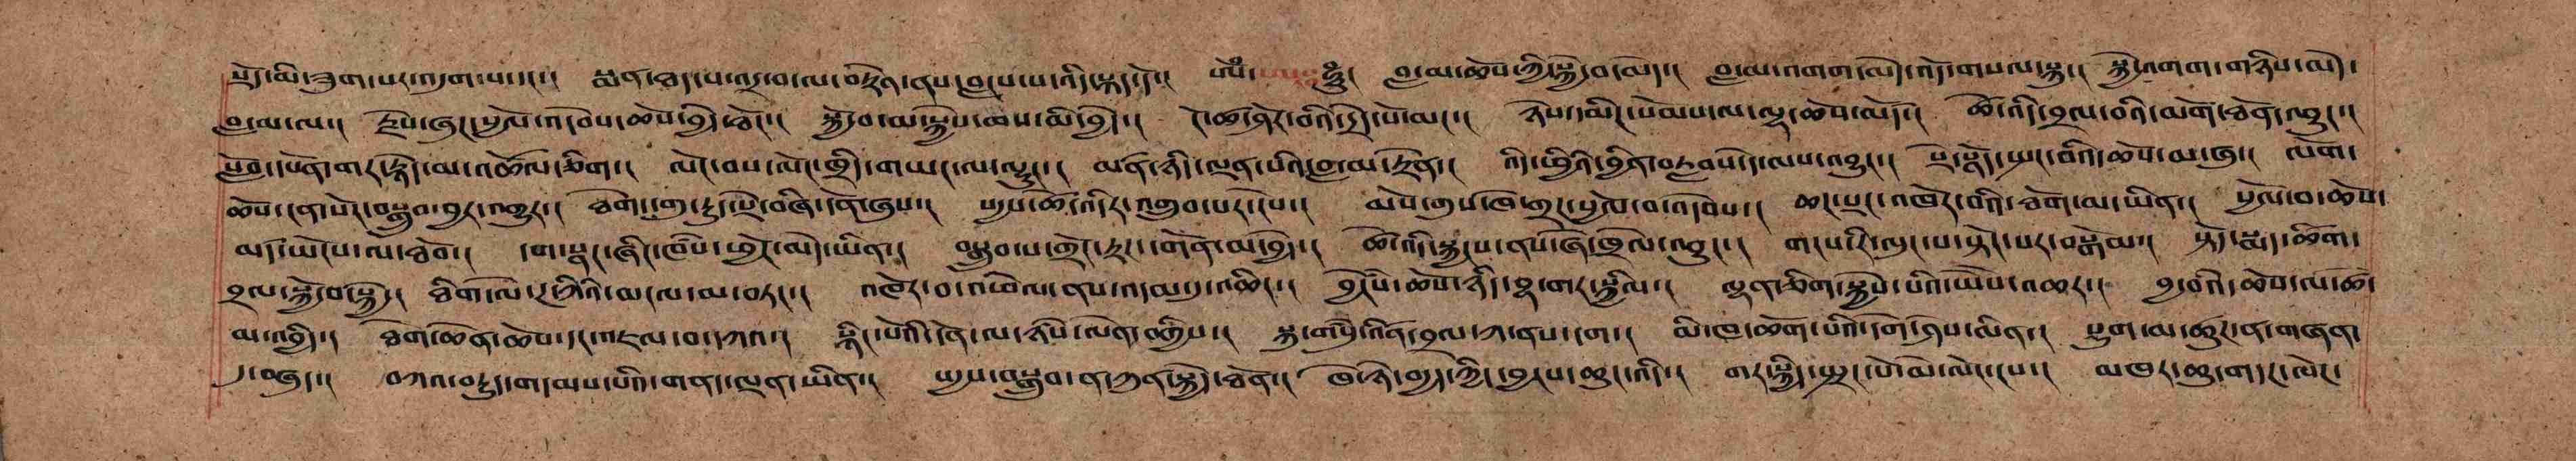སྡོད་མི་ཟུག་པར་འདུག་པ་དང་། སྨན་ཐད་པ་འདྲ་བ་ལ་བརྟེན་ནས་བླངས་པ་འདི་སྐད་དོ། ཨོཾ་ཨཱཿཧཱུཾ། བླ་མ་ཆོས་ཀྱི་སྐྱེ་བ་མེད། བླ་མ་འགག་མེད་འོད་གསལ་སྐུ། སྐྱེ་འགག་གཉིས་མེད་
བླ་མ་ལ། རྗེས་ཞུགས་གསོལ་འདེབས་ཆོས་བྱེད་ཐོང་། སྐྱོ་བ་མ་སྐྱེས་ཆས་མི་བྱེད། ངོ་ཚ་ཤོར་བའི་དྲེད་པོ་མང་། ཉེས་དམིགས་སེམས་ལ་ལྷ་ཆོས་མཛོད། ཚེ་འདི་བྲལ་བའི་མགོ་ཐོན་ཆུང་། 
སློབ་དཔོན་གར་རྙེད་མ་འཚོལ་ཅིག། ལོང་བས་ལོང་ཁྲིད་གཡང་ལ་ལྷུང་། མཚན་ཉིད་ལྡན་པའི་བླ་མ་རྟེན། འདི་ཕྱིའི་བྱིན་བརླབས་དེ་ལས་འབྱུང་། སྡེ་སྣོད་སྤང་བའི་ཆོས་མ་ཞུ། ལོག་
ཆོས་ངན་སོང་བསྒྲུབ་བྱར་འགྱུར། ཐེག་དགུ་རྒྱུ་སྡེ་བཞི་དོན་ཞུས། སངས་རྒྱས་ཚེ་འདིར་འགྲུབ་པར་ངེས། མོས་གུས་ཁེ་གྲགས་གསོལ་བ་འདེབས། ཆགས་སྡང་འཁོར་བའི་ཐོག་མ་ཡིན། གསོལ་བ་ཆོས་
མཛད་ཡོངས་ལ་ཐོབ། དག་སྣང་ཞིང་ཁམས་ཕྱོགས་མེད་ཡིན། བསྒྲུབ་པ་གྲོང་རྟགས་དགོན་མ་བྱེད། ཚེ་འདི་སྐྱངས་ནས་ཞེ་ཁྲེལ་ཆུང་། གངས་རི་ལུང་པ་སྟོང་པར་བསྒོམ། སྟོད་སྨད་ཚིག་
བྲལ་སྐྱོ་བ་སྐྱེད། ཐིག་ལེ་ཊ་ཀིའི་མངལ་མ་བཏང་། འཁོར་བ་འཕེལ་ནས་འདམ་དུ་འཆིང་། བྱངས་སེམས་ཆོས་ཉིད་བྷ་གར་སྐྱིལ། ལྷན་ཅིག་སྐྱེས་པའི་ཡེ་ཤེས་འཆར། བྱ་བའི་ཆོས་ལ་ཚོ་
མ་འབྱེད། ཐེག་ཆེན་ཆོས་དང་འཇལ་བ་དཀའ། སྙིང་པོའི་དོན་ལ་ཉམས་ལེན་བགྱིས། སྐུ་གསུམ་འཛིན་བྲལ་ཀ་ནས་དག། མི་ཁ་ཆོག་པའི་དགེ་ཤེས་མིན། སྡུག་མ་ཚུགས་ན་གཞན་
དུ་བཞུད། བཀའ་བརྒྱུད་གདམས་པའི་གནད་ལྡན་ཡིན། སངས་རྒྱས་བསྒྲུབ་ན་ཀུན་སྐྱེད་ཐོན། ཁེ་ཉེ་བརྒྱད་ཀྱི་དབྱངས་ཆུང་འདི། གར་སྐྱིད་སྤྲང་པོ་མེ་ལོང་ངས། མཁར་ཆུ་གདང་ལེགས་